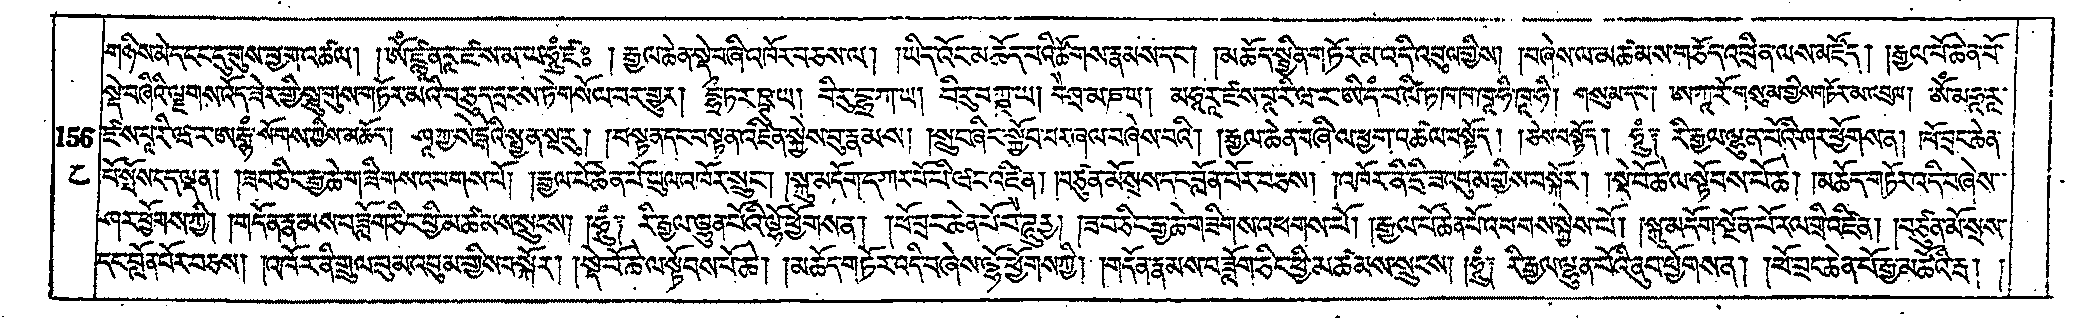གཉིས་མེད་ངང་དུ་གུས་ཕྱག་འཚལ། །ཨོཾ་ཛྙཱ་ན་རཱ་ཛ་ས་མ་ཡ་ཧཱུཾ་ཛཿ །རྒྱལ་ཆེན་སྡེ་བཞི་འཁོར་བཅས་ལ། །ཡིད་འོང་མཆོད་པའི་ཚོགས་རྣམས་དང་། །མཆོད་སྦྱིན་གཏོར་མ་འདི་འབུལ་གྱིས། །བཞེས་ལ་མཚམས་གཅོད་འཕྲིན་ལས་མཛོད། །རྒྱལ་པོ་ཆེན་པོ་
སྡེ་བཞིའི་ལྗགས་འོད་ཟེར་གྱི་སྦུ་གུས་གཏོར་མའི་བཅུད་དྲངས་ཏེ་གསོལ་བར་གྱུར། དྷྲྀ་ཏ་ར་ཥྚ་ཡ། བི་རུ་དྷྲ་ཀ་ཡ། བི་རུ་བཀྵ་ཡ། བཻ་ཤྲ་མ་ཎ་ཡ། མཧཱ་རཱ་ཛ་ས་པཱ་རི་ཝ་ར་ཨི་དཾ་བ་ལི་ཏ་ཁ་ཁ་ཁཱ་ཧི་ཁཱ་ཧི། གསུམ་དང་།  ཨ་ཀཱ་རོ་གསུམ་གྱིས་གཏོར་མ་འབུལ། ཨོཾ་མཧཱ་རཱ་
ཛ་ས་པཱ་རི་ཝ་ར་ཨརྒྷཾ་སོགས་ཀྱིས་མཆོད། ཤཱཀྱ་སེངྒེའི་སྤྱན་སྔ་རུ། །བསྟན་དང་བསྟན་འཛིན་སྐྱེས་བུ་རྣམས། །སྲུང་ཞིང་སྐྱོབ་པར་ཞལ་བཞེས་པའི། །རྒྱལ་ཆེན་བཞི་ལ་ཕྱག་འཚལ་བསྟོད། །ཅེས་བསྟོད། ཧཱུཾ༑ རི་རྒྱལ་ལྷུན་པོའི་ཤར་ཕྱོགས་ན། །ཕོ་བྲང་ཆེན་
པོ་སྤོས་ངད་ལྡན། །ཟབ་ཅིང་རྒྱ་ཆེ་གཟིགས་འཕགས་པོ། །རྒྱལ་པོ་ཆེན་པོ་ཡུལ་འཁོར་སྲུང་། །སྐུ་མདོག་དཀར་པོ་པི་ཝང་འཛིན། །བཙུན་མོ་སྲས་དང་བློན་པོར་བཅས། །འཁོར་ནི་དྲི་ཟ་འབུམ་གྱིས་བསྐོར། །སྡེ་བོ་ཆེ་ལ་སྟོབས་པོ་ཆེ། །མཆོད་གཏོར་འདི་བཞེས་་་
ཤར་ཕྱོགས་ཀྱི། །གདོན་རྣམས་བཟློག་ཅིང་ཕྱི་མཚམས་སྲུངས། །ཧཱུཾ༑ རི་རྒྱལ་ལྷུན་པོའི་ལྷོ་ཕྱོགས་ན། །ཕོ་བྲང་ཆེན་པོ་བཻ་ཌཱུརྱ། །ཟབ་ཅིང་རྒྱ་ཆེ་གཟིགས་འཕགས་པོ། །རྒྱལ་པོ་ཆེན་པོ་འཕགས་སྐྱེས་པོ། །སྐུ་མདོག་སྔོན་པོ་རལ་གྲི་འཛིན། །བཙུན་མོ་སྲས་
དང་བློན་པོར་བཅས། །འཁོར་ནི་གྲུལ་བུམ་འབུམ་གྱིས་བསྐོར། །སྡེ་བོ་ཆེ་ལ་སྟོབས་པོ་ཆེ། །མཆོད་གཏོར་འདི་བཞེས་ལྷོ་ཕྱོགས་ཀྱི། །གདོན་རྣམས་བཟློག་ཅིང་ཕྱི་མཚམས་སྲུངས། །ཧཱུཾ༑ རི་རྒྱལ་ལྷུན་པོའི་ནུབ་ཕྱོགས་ན། །ཕོ་བྲང་ཆེན་པོ་རྒྱ་མཚོའི་རབ། །